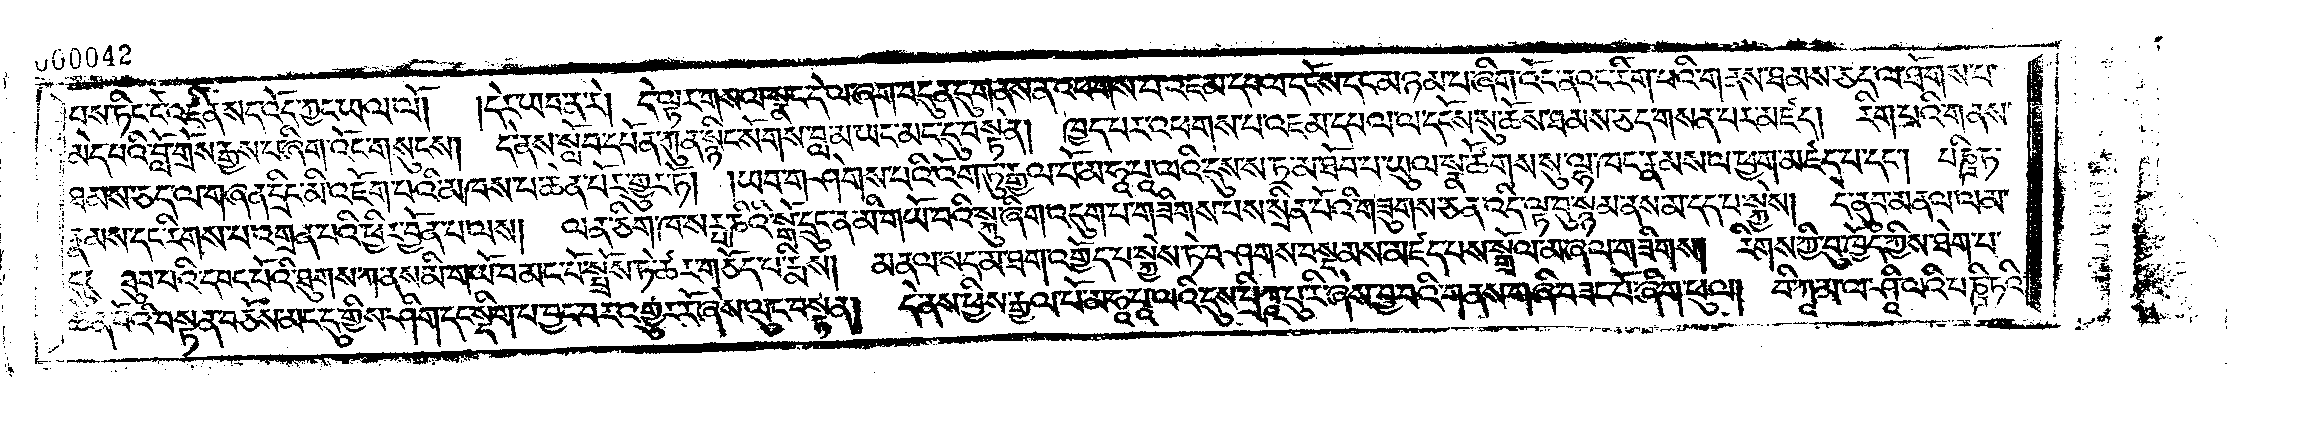པས་ཏིང་ངེ་འཛིན་སད་འོད་ཀྱང་ཡལ་ལོ། །དེར་ཡབ་ན་རེ། དེ་ལྟར་གསལ་སྣང་དེ་ལ་ཞག་བདུན་དུ་གནས་ན་འཕགས་པ་འཇམ་དཔལ་དངོས་དང་མཉམ་པ་ཞིག་འོང་ནའང་རིག་པའི་གནས་ཐམས་ཅད་ལ་ཐོགས་པ་
མེད་པའི་བློ་གྲོས་རྒྱས་པ་ཞིག་འོང་གསུངས། དེ་ནས་སློབ་དཔོན་ཀུན་སྙིང་སོགས་བླ་མ་ཡང་མང་དུ་བསྟེན། ཁྱད་པར་འཕགས་པ་འཇམ་དཔལ་ལ་དངོས་སུ་ཆོས་ཐམས་ཅད་གསན་པར་མཛད། རིག་པའི་གནས་
ཐམས་ཅད་ལ་གཞན་དྲིང་མི་འཇོག་པའི་མཁས་པ་ཆེན་པོར་གྱུར་ཏོ། །ཡབ་གཤེགས་པའི་འོག་ཏུ་རྒྱལ་པོ་མ་ཧཱ་པཱ་ལའི་དུས་ས་ཏྲ་མ་ཐོབ་པ་ཡུལ་སྣ་ཚོགས་སུ་ལྷ་ཁང་རྣམས་ལ་ཕྱག་མཛད་པ་དང་། པཎྜི་ཏ་
རྣམས་དང་རིགས་པ་འགྲན་པའི་ཕྱིར་བྱོན་པ་ལས། ལན་ཅིག་ཁ་སར་པ་ཎིའི་སྒོ་དྲུང་ན་མི་གཡོ་བའི་སྐུ་ཞིག་འདུག་པ་གཟིགས་པས་སྲིན་པོའི་གཟུགས་ཅན་འདི་ལྟ་བུ་སྙམ་ནས་མ་དད་པ་སྐྱེས། དེ་ནུབ་མནལ་ལམ་
དུ༑ ཐུབ་པའི་དབང་པོའི་ཐུགས་ཀ་ནས་མི་གཡོ་བ་མང་པོ་སྤྲོས་ཏེ་ཚར་གཅོད་པ་རྨིས། མནལ་སད་མ་ཐག་འགྱོད་པ་སྐྱེས་ཏེ་བཤགས་བསྔམས་མཛད་པས་སྒྲོལ་མ་ཞལ་གཟིགས། རིགས་ཀྱི་བུ་ཁྱོད་ཀྱིས་ཐེག་པ་
ཆེན་པོའི་བསྟན་བཅོས་མང་དུ་གྱིས་ཤིག་དང་སྡིག་པ་བྱང་བར་འགྱུར་རོ་ཞེས་ལུང་བསྟན། དེ་ནས་ཕྱིས་རྒྱལ་པོ་མ་ཧཱ་པཱ་ལའི་དུས་པྲིཀྵ་པུ་རི་ཞེས་བྱ་བའི་གནས་གཞི་བཟང་པོ་ཞིག་ཕུལ། བི་ཀཱ་མ་ལ་ཤཱི་ལའི་པཎྜི་ཏའི་